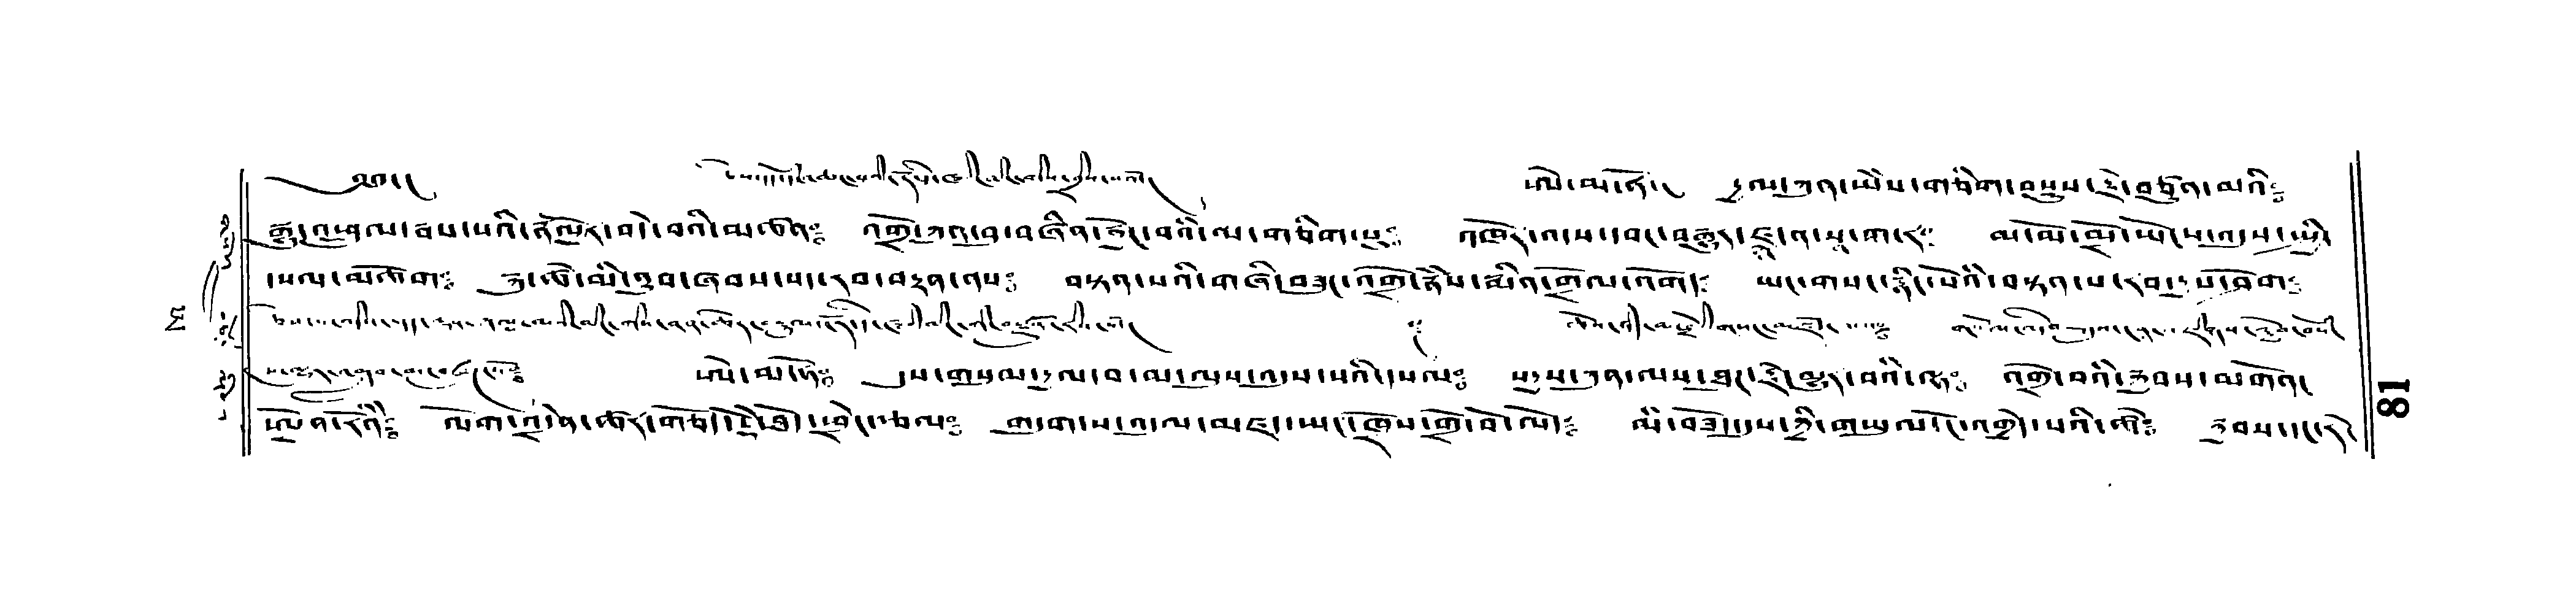ཅེས་དད་དམ་འཆང་བའི་ངོར་དེ་ཝའི་མིང་གིས་བྲིས་པའོ།། ཨེ་མ་ཧོཿ རྒྱལ་ཀུན་ཡེ་ཤེས་གཅིག་བསྡུས་རྗེ་བཙུན་མའི༔ 
སྒྱུ་འཕྲུལ་སྦས་པའི་རྣལ་འབྱོར་བདེ་བའི་མཚན༔ འགྲོ་ཀུན་བུ་བཞིན་སྐྱོང་བའི་མ་གཅིག་པུ༔ འཁོར་འདས་དབང་བསྒྱུར་ཛྙཱ་ན་སཱ་ག་ར༔ མ་མོ་མཁའ་འགྲོ་ཡོངས་འདུས་སྤྱི་
དཔལ་མཆོགཿ སྐུ་ཚེ་མི་ནུབ་ཞབས་པད་རབ་བརྟན་ནས༔ བསྟན་པའི་གཞི་བཟུང་འགྲོ་རྣམས་སྨིན་གྲོལ་འགོད༔ ཡང་གསང་སྙིང་པོའི་བསྟན་པ་རབ་རྒྱས་ཤོག༔ 
ཅེས་པ་འདིའང་དད་ལྡན་ཀལྤ་ལའི་མིང་གིས་ནན་ཆེར་བསྐུལ་ངོར་དེ་ཝའི་མིང་གི་བརྫུན་རིས་སོ།། ༈ ཆོས་ཉིད་མཁའ་འགྲོའི་གསང་མཛོད་ལས༔ གསོལ་འདེབས་དུས་ངན་འཇིགས་སྐྱོབ་བསམ་
པ་མྱུར་འགྲུབ་མ་བཞུགས་སོ༔ ཨེ་མ་ཧོ༔ དུས་གསུམ་རྒྱལ་བ་མ་ལུས་འདུས་པའི་དཔལ༔ སངས་རྒྱས་ཀུན་ལས་ཐུགས་རྗེ་མྱུར་བའི་ལྷ༔ འགྲོ་བའི་སྐྱབས་མགོན་
ཨོ་རྒྱན་རིན་པོ་ཆེ༔ ལོག་འདྲེན་ཚར་གཅོད་རྡོ་རྗེ་ཐོད་ཕྲེང་རྩལ༔ གདུག་པ་འདུལ་མཛད་ཡང་ཁྲོས་གྲོ་བོ་ལོད༔ མི་བཟོད་དུས་ཀྱི་གཡུལ་ངོ་འགྱེད་པའི་ཚེ༔ སྐྱབས་དང་རེ་